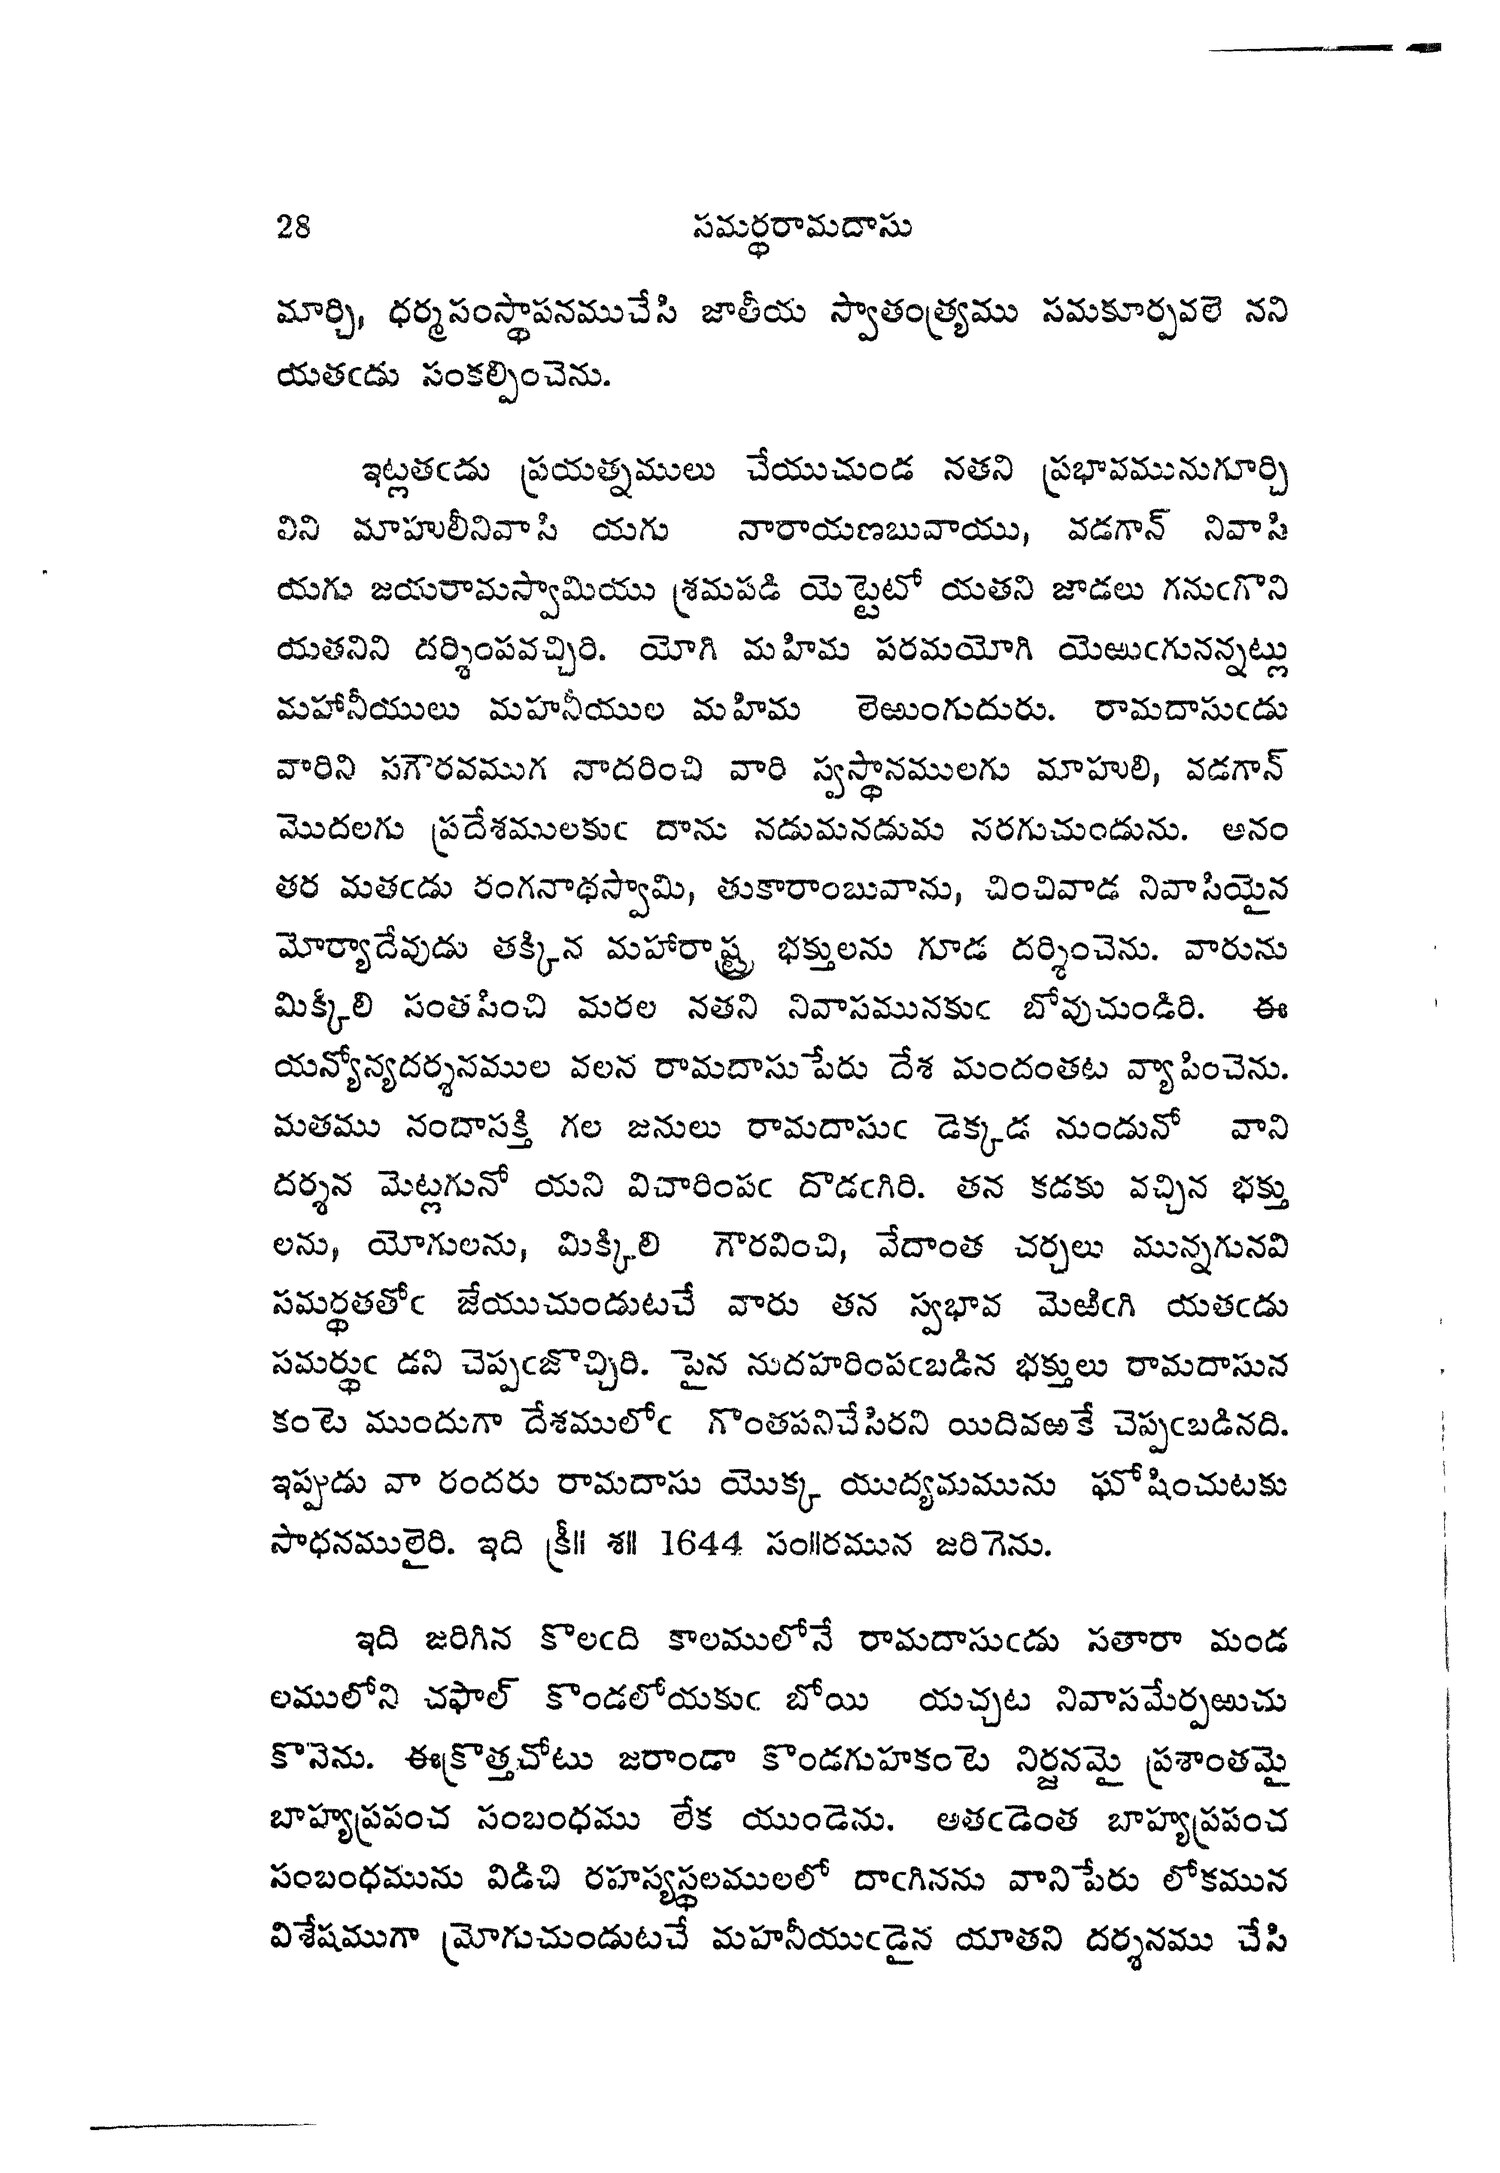మార్చి, ధర్మసంస్థాపనముచేసి జాతీయ స్వాతంత్ర్యము సమకూర్చవలె నని యతడు సంకల్పించెను.

ఇట్లతడు ప్రయత్నములు చేయుచుండ నతని ప్రభావమునుగూర్చి విని మాహులీనివాసి యగు నారాయణబువాయు, వడగాన్ నివాసి యగు జయరామస్వామియు శ్రమపడి యెట్టెటో యతని జాడలు గనుగొని యతనిని దర్శింపవచ్చిరి. యోగి మహిమ పరమయోగి యెఱుగుననట్లు మహానీయులు మహనీయుల మహిమ లెఱుంగుదురు. రామదాసుడు వారిని సగౌరవముగ నాదరించి వారి స్వస్థానములగు మాహులి, వడగాన్ మొదలగు ప్రదేశములకు దాను నడుమనడుమ నరుగుచుండును. అనంతర మతడు రంగనాథస్వామి, తుకారాంబువాను, చించివాడ నివాసియైన మోర్యాదేవుడు తక్కిన మహారాష్ట్ర భక్తులను గూడ దర్శించెను. వారును మిక్కిలి సంతసించి మరల నతని నివాసమునకు బోవుచుండిరి. ఈ యన్యోన్యదర్శనముల వలన రామదాసు పేరు దేశ మందంతట వ్యాపించెను. మతము నందాసక్తి గల జనులు రామదాసు డెక్కడ నుండునో వాని దర్శన మెట్లుగునో యని విచారింప దొడగిరి. తన కడకు వచ్చిన భక్తులను, యోగులను, మిక్కిలి గౌరవించి, వేదాంత చర్చలు మున్నగునని సమర్థతతో జేయుచుండుటచే వారు తన స్వభావ మెఱిగి యతడు సమర్థు డని చెప్పజొచ్చిరి. పైన నుదహరింపబడిన భక్తులు రామదాసున కంటె ముందుగా దేశములో గొంతపనిచేసిరని యిదివఱకే చెప్పబడినది. ఇప్పుడు వా రందరు రామదాసు యొక్క యుద్యమమును ఘోషించుటకు సాధనములైరి. ఇది క్రీ.శ. 1644 సం.రమున జరిగెను.

ఇది జరిగిన కొలది కాలములోనే రామదాసుడు సతారా మండలములోని చఫాల్ కొండలోయకు బోయి యచ్చట నివాసమేర్పఱుచు కొనెను. ఈక్రొత్తచోటు జరాండా కొండగుహకంటె నిర్జనమై ప్రశాంతమై బాహ్యప్రపంచ సంబంధము లేక యుండేను. ఆతడెంత బాహ్యప్రపంచ సంబంధమును విడిచి రహస్యస్థలములలో దాగినను వానిపేరు లోకమున విశేషముగా మ్రోగుచుండుటచే మహనీయుడైన యాతని దర్శనము చేసి